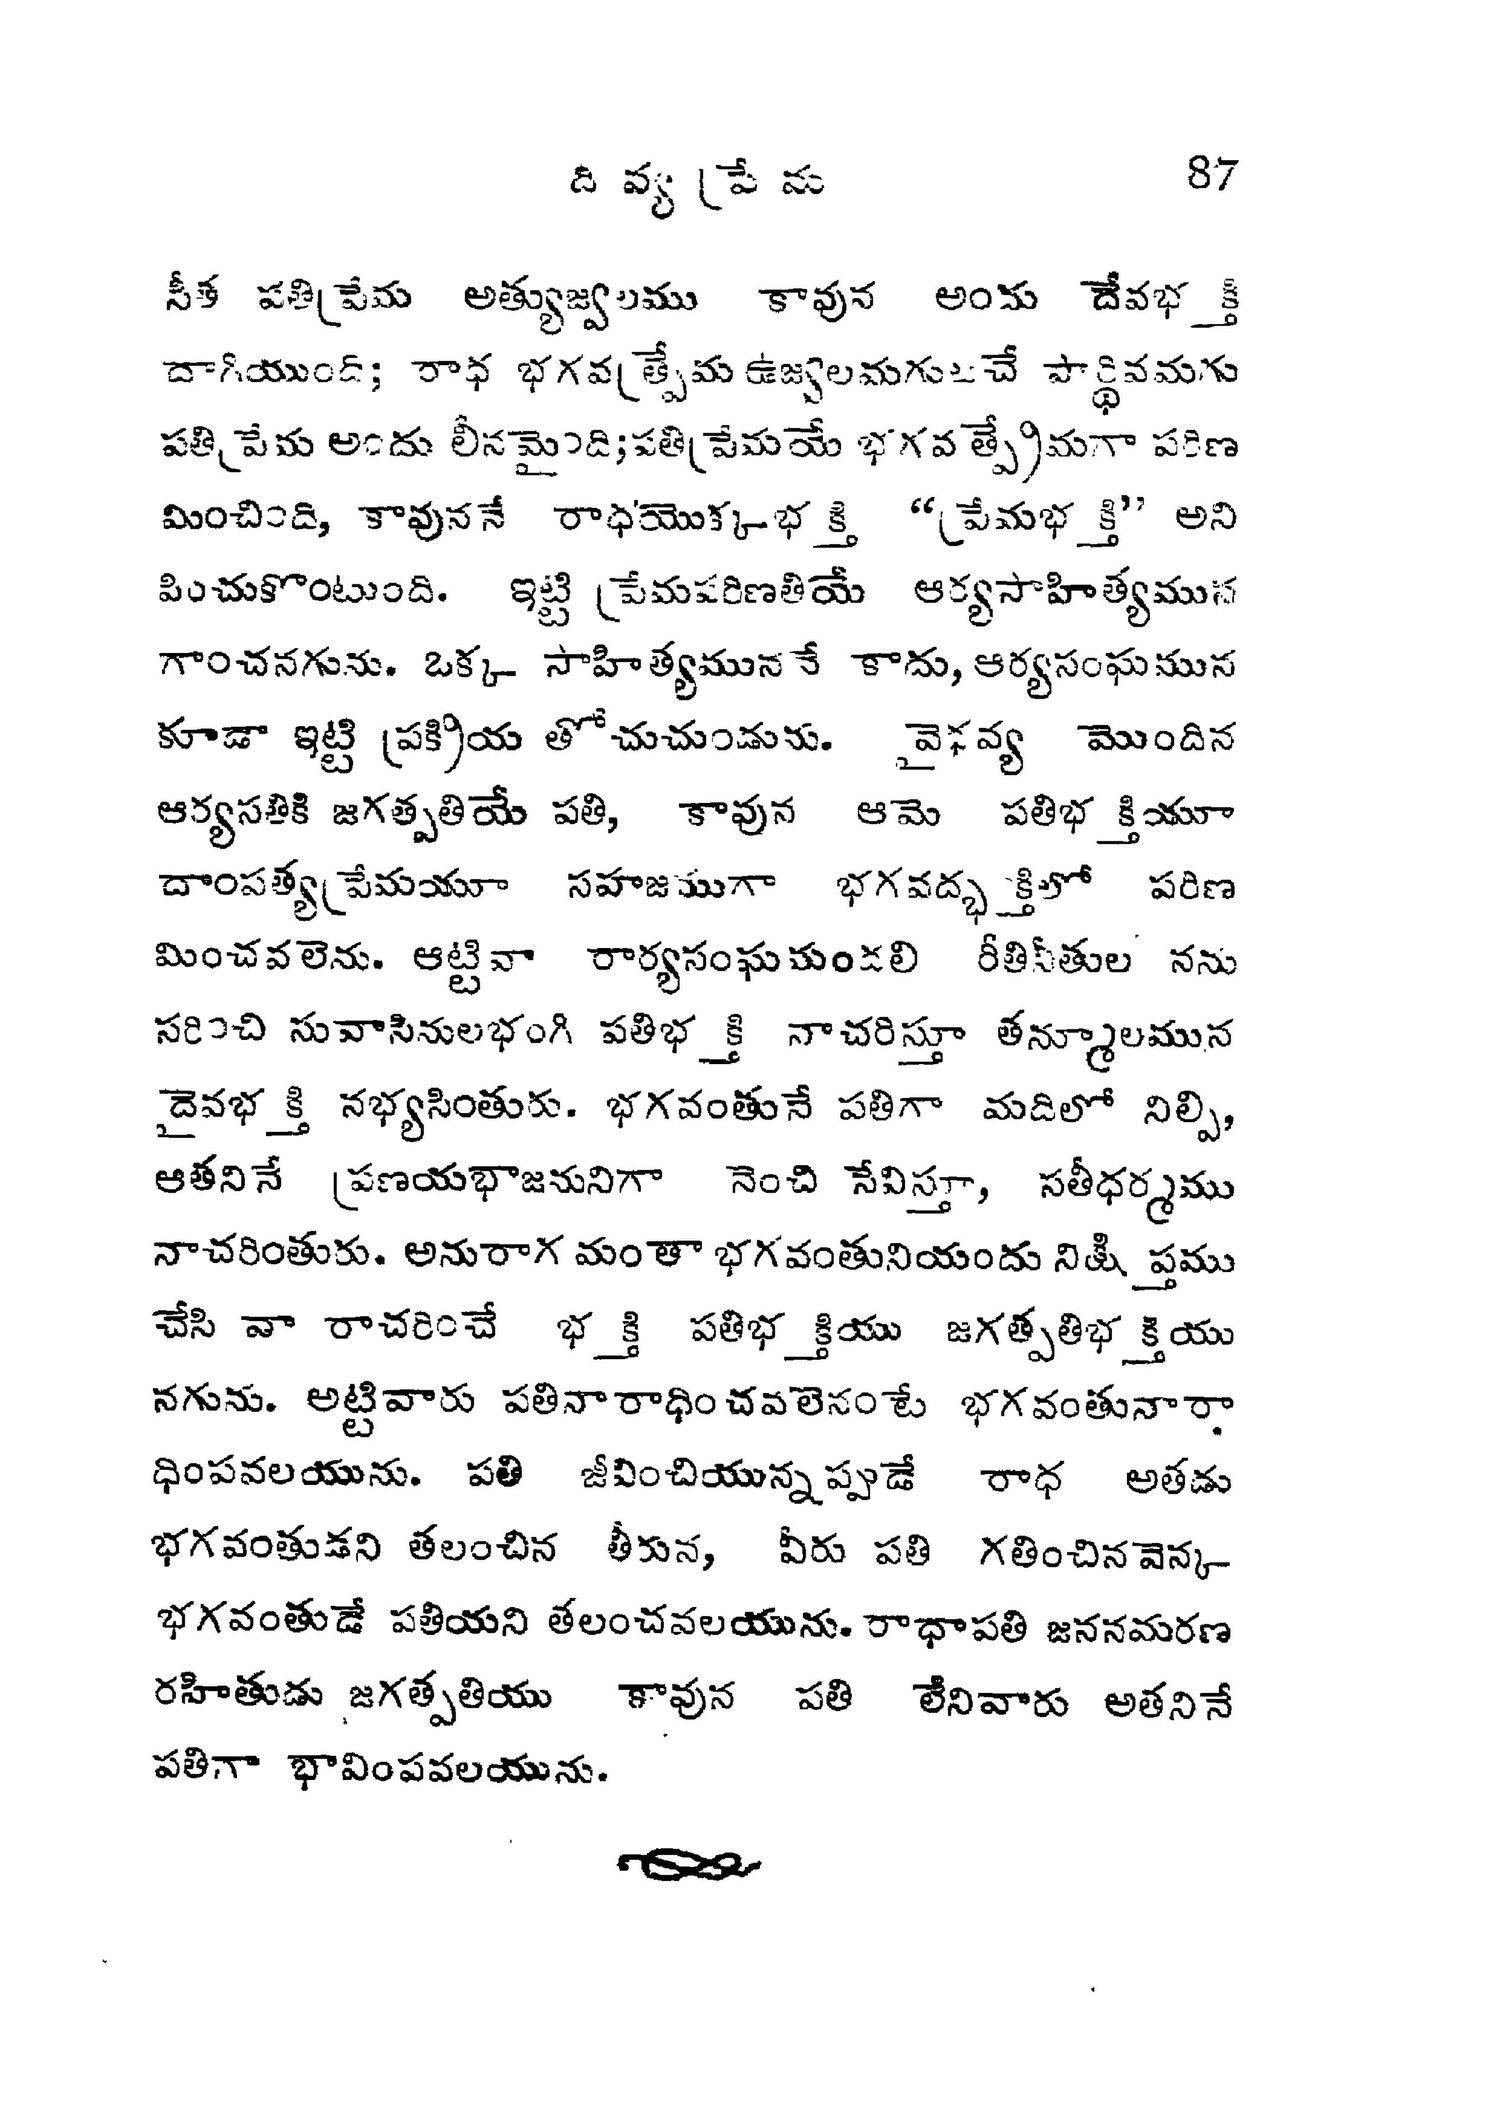సీత పతిప్రేమ అత్యుజ్వలము కావున అందు దేవభక్తి దాగియుంది; రాధ భగవత్ప్రేమ ఉజ్వలమగుటచే పార్థివమగు పతిప్రేమ అందు లీనమైంది; పతిప్రేమయే భగవత్ప్రేమగా పరిణమించింది, కావుననే రాధయొక్కభక్తి "ప్రేమభక్తి" అనిపించుకొంటుంది. ఇట్టి ప్రేమపరిణితియే ఆర్యసాహిత్యమున గాంచనగును. ఒక్క సాహిత్యముననే కాదు, ఆర్యసంఘమున కూడా ఇట్టి ప్రక్రియ తోచుచుండును. వైధవ్య మొందిన ఆర్యసతికి జగత్పతియే పతి, కావున ఆమె పతిభక్తియూ దాంపత్యప్రేమయూ సహజముగా భగవద్భక్తిలో పరిణమించవలెను. అట్టివా రార్యసంఘమందలి రీతినీతుల ననుసరించి సువాసినులభంగి పతిభక్తి నాచరిస్తూ తన్మూలమున దైవభక్తి నభ్యసింతురు. భగవంతునే పతిగా మదిలో నిల్పి, ఆతనినే ప్రణయభాజనునిగా నెంచి సేవిస్తూ, సతీధర్మము నాచరింతురు. అనురాగ మంతా భగవంతునియందు నిక్షిప్తము చేసి వా రాచరించే భక్తి పతిభక్తియు జగత్పతిభక్తియు నగును. అట్టివారు పతినారాధించవలెనంటే భగవంతునారాధింపవలయును. పతి జీవించియున్నప్పుడే రాధ అతడు భగవంతుడని తలంచిన తీరున, వీరు పతి గతించినవెన్క భగవంతుడే పతియని తలంచవలయును. రాధాపతి జననమరణ రహితుడు జగత్పతియు కావున పతి లేనివారు అతనినే పతిగా భావింపవలయును.